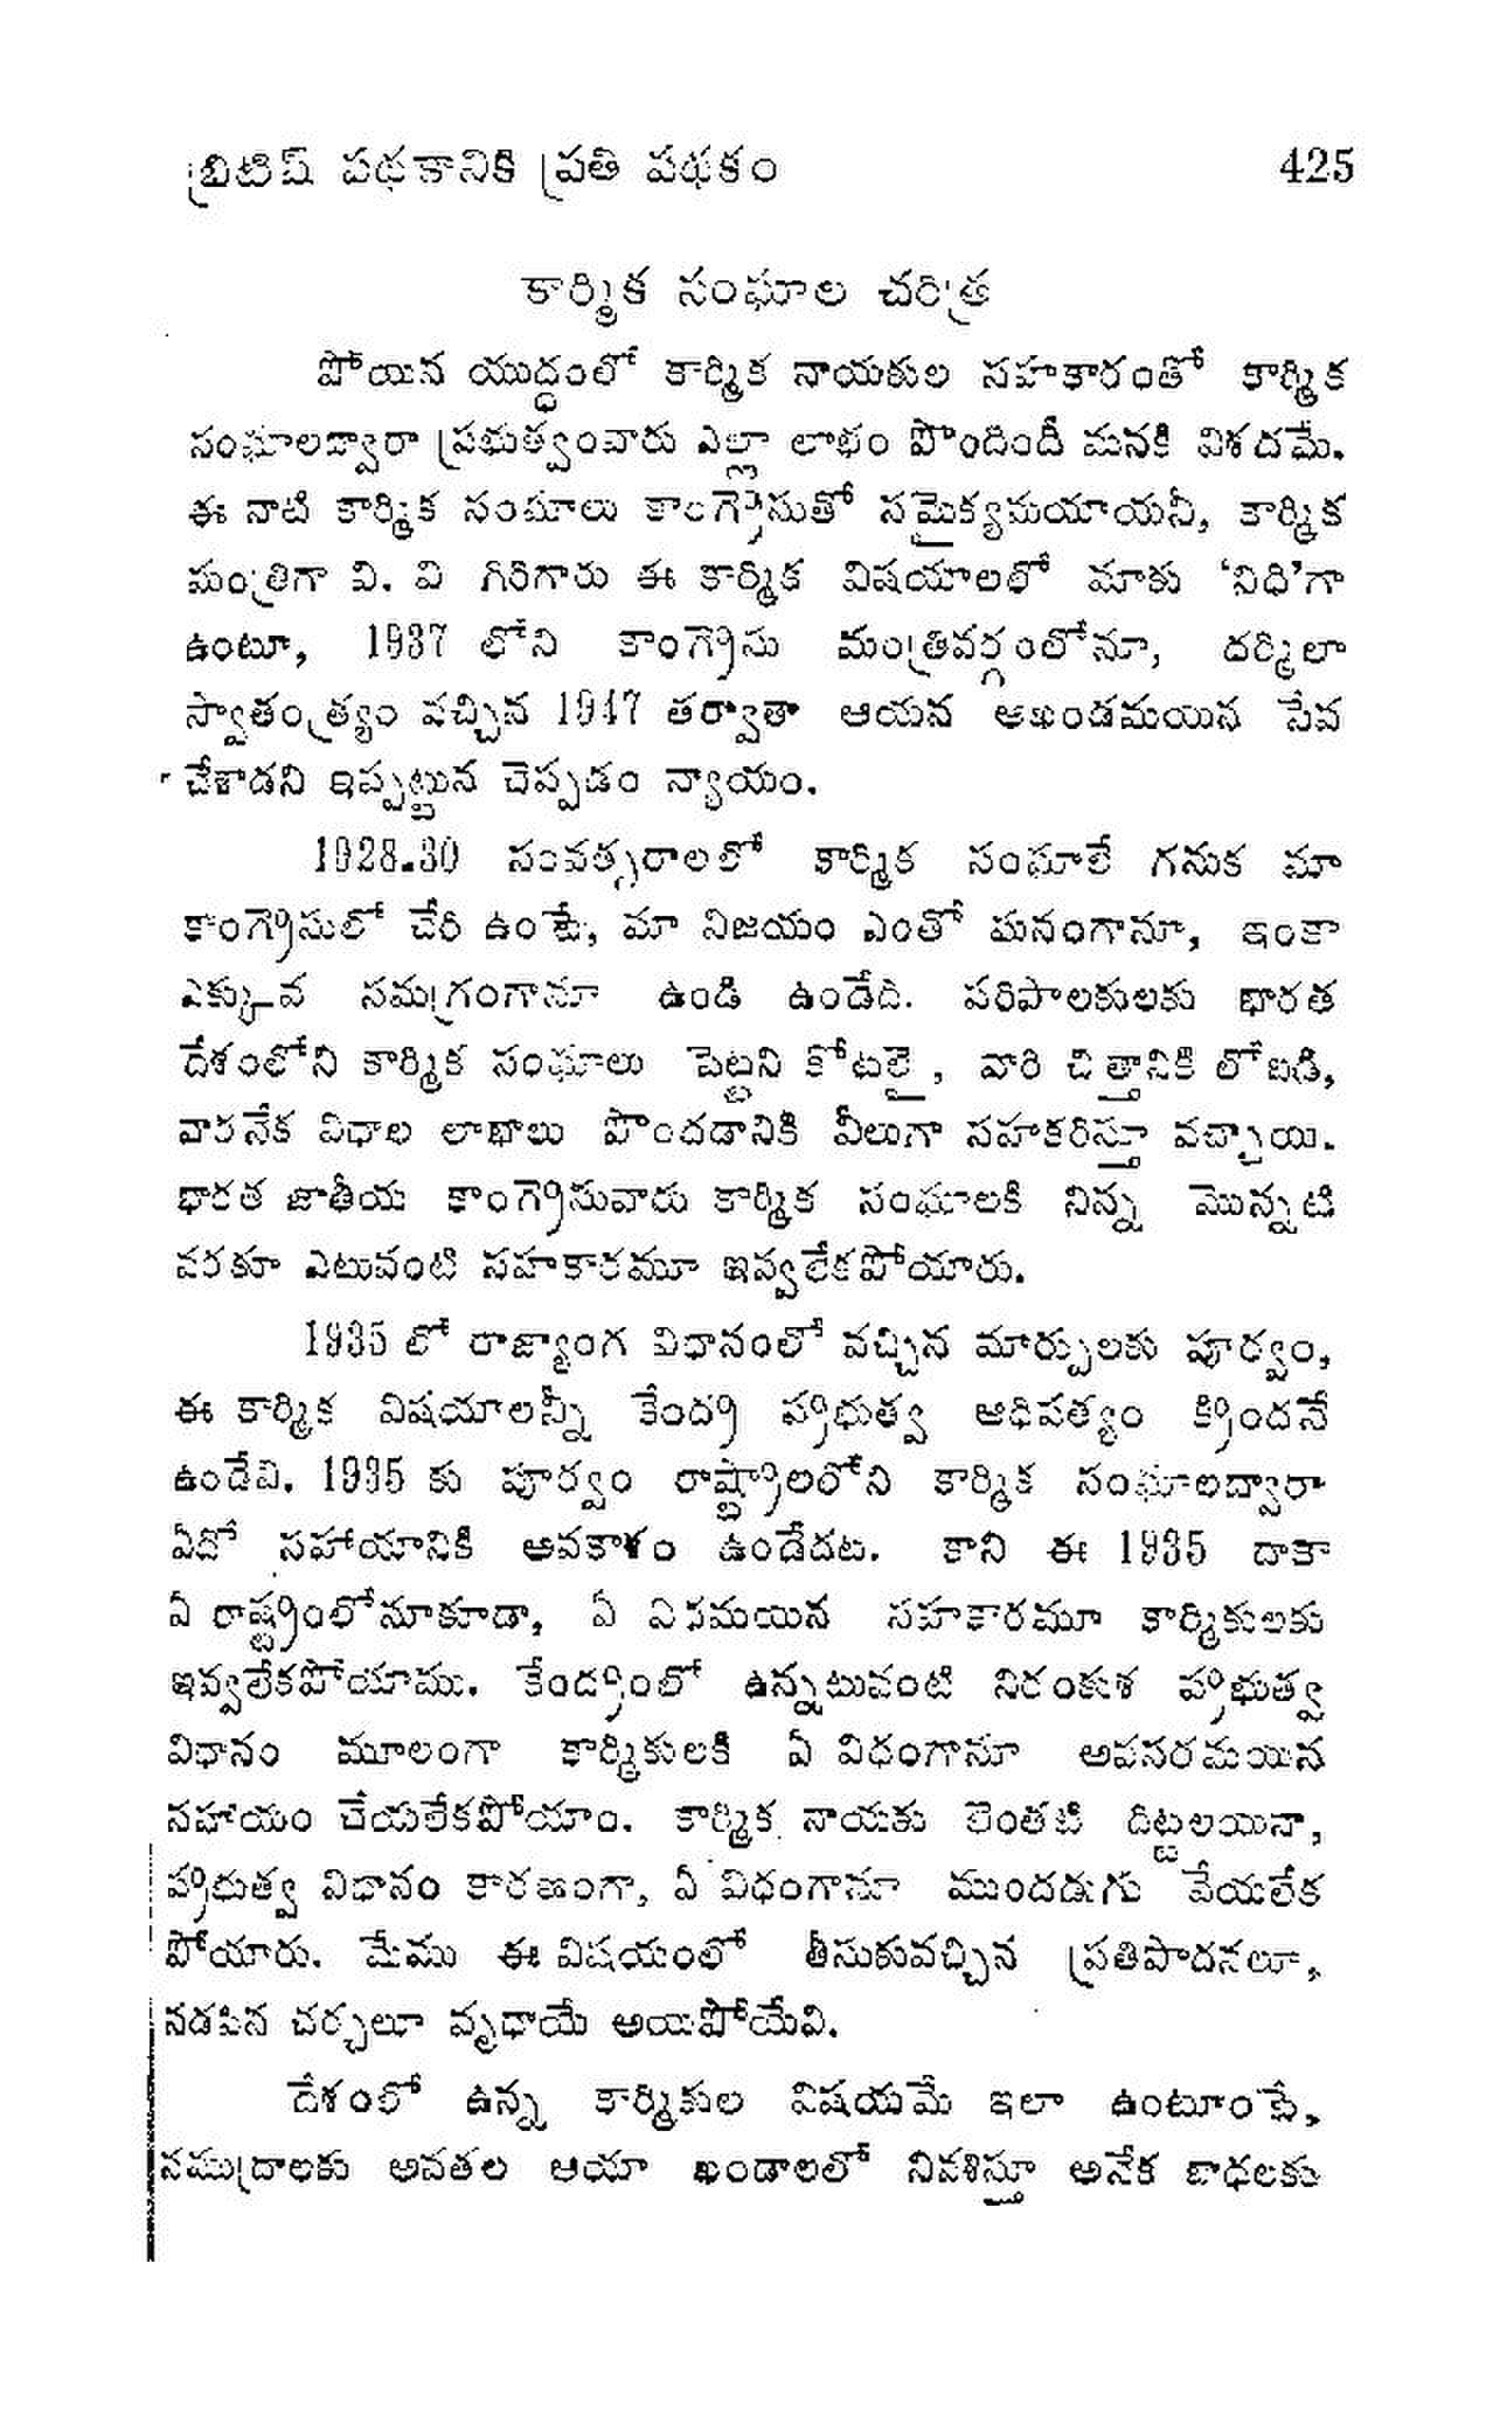పోయిన యుద్ధంలో కార్మిక నాయకుల సహకారంతో కార్మిక సంఘాలద్వారా ప్రభుత్వంవారు ఎల్లా లాభం పొందిందీ మనకి విశదమే. ఈ నాటి కార్మిక సంఘాలు కాంగ్రెసుతో సమైక్యమయాయనీ, కార్మిక మంత్రిగా వి. వి. గిరిగారు ఈ కార్మిక విషయాలలో మాకు 'నిధి'గా ఉంటూ, 1937 లోని కాంగ్రెసు మంత్రివర్గంలోనూ, దర్మిలా స్వాతంత్ర్యం వచ్చిన 1947 తర్వాతా ఆయన అఖండమయిన సేవ చేశాడని ఇప్పట్టున చెప్పడం న్యాయం.

1928 - 30 సంవత్సరాలలో కార్మిక సంఘాలే గనుక మా కాంగ్రెసులో చేరి ఉంటే, మా విజయం ఎంతో ఘనంగానూ, ఇంకా ఎక్కువ సమగ్రంగానూ ఉండి ఉండేది. పరిపాలకులకు భారత దేశంలోని కార్మిక సంఘాలు పెట్టని కోటలై, వారి చిత్తానికి లోబడి, వారనేక విధాల లాభాలు పొందడానికి వీలుగా సహకరిస్తూ వచ్చాయి. భారత జాతీయ కాంగ్రెసువారు కార్మిక సంఘాలకి నిన్న మొన్నటివరకూ ఎటువంటి సహకారమూ ఇవ్వలేకపోయారు.

1935 లో రాజ్యాంగ విధానంలో వచ్చిన మార్పులకు పూర్వం, ఈ కార్మిక విషయాలన్నీ కేంద్ర ప్రభుత్వ ఆధిపత్యం క్రిందనే ఉండేవి. 1935 కు పూర్వం రాష్ట్రాలలోని కార్మిక సంఘాలద్వారా ఏదో సహాయానికి అవకాశం ఉండేదట. కాని ఈ 1935 దాకా ఏ రాష్ట్రంలోనూకూడా, ఏ విధమయిన సహకారమూ కార్మికులకు ఇవ్వలేకపోయాము. కేంద్రంలో ఉన్నటువంటి నిరంకుశ ప్రభుత్వ విధానం మూలంగా కార్మికులకి ఏ విధంగానూ అవసరమయిన సహాయం చేయలేకపోయాం. కార్మిక నాయకు లెంతటి దిట్టలయినా, ప్రభుత్వ విధానం కారణంగా, ఏ విధంగానూ ముందడుగు వేయలేక పోయారు. మేము ఈ విషయంలో తీసుకువచ్చిన ప్రతిపాదనలూ నడపిన చర్చలూ వృధాయే అయిపోయేవి.

దేశంలో ఉన్న కార్మికుల విషయమే ఇలా ఉంటూంటే సముద్రాలకు అవతల ఆయా ఖండాలలో నివశిస్తూ అనేక బాధలకు